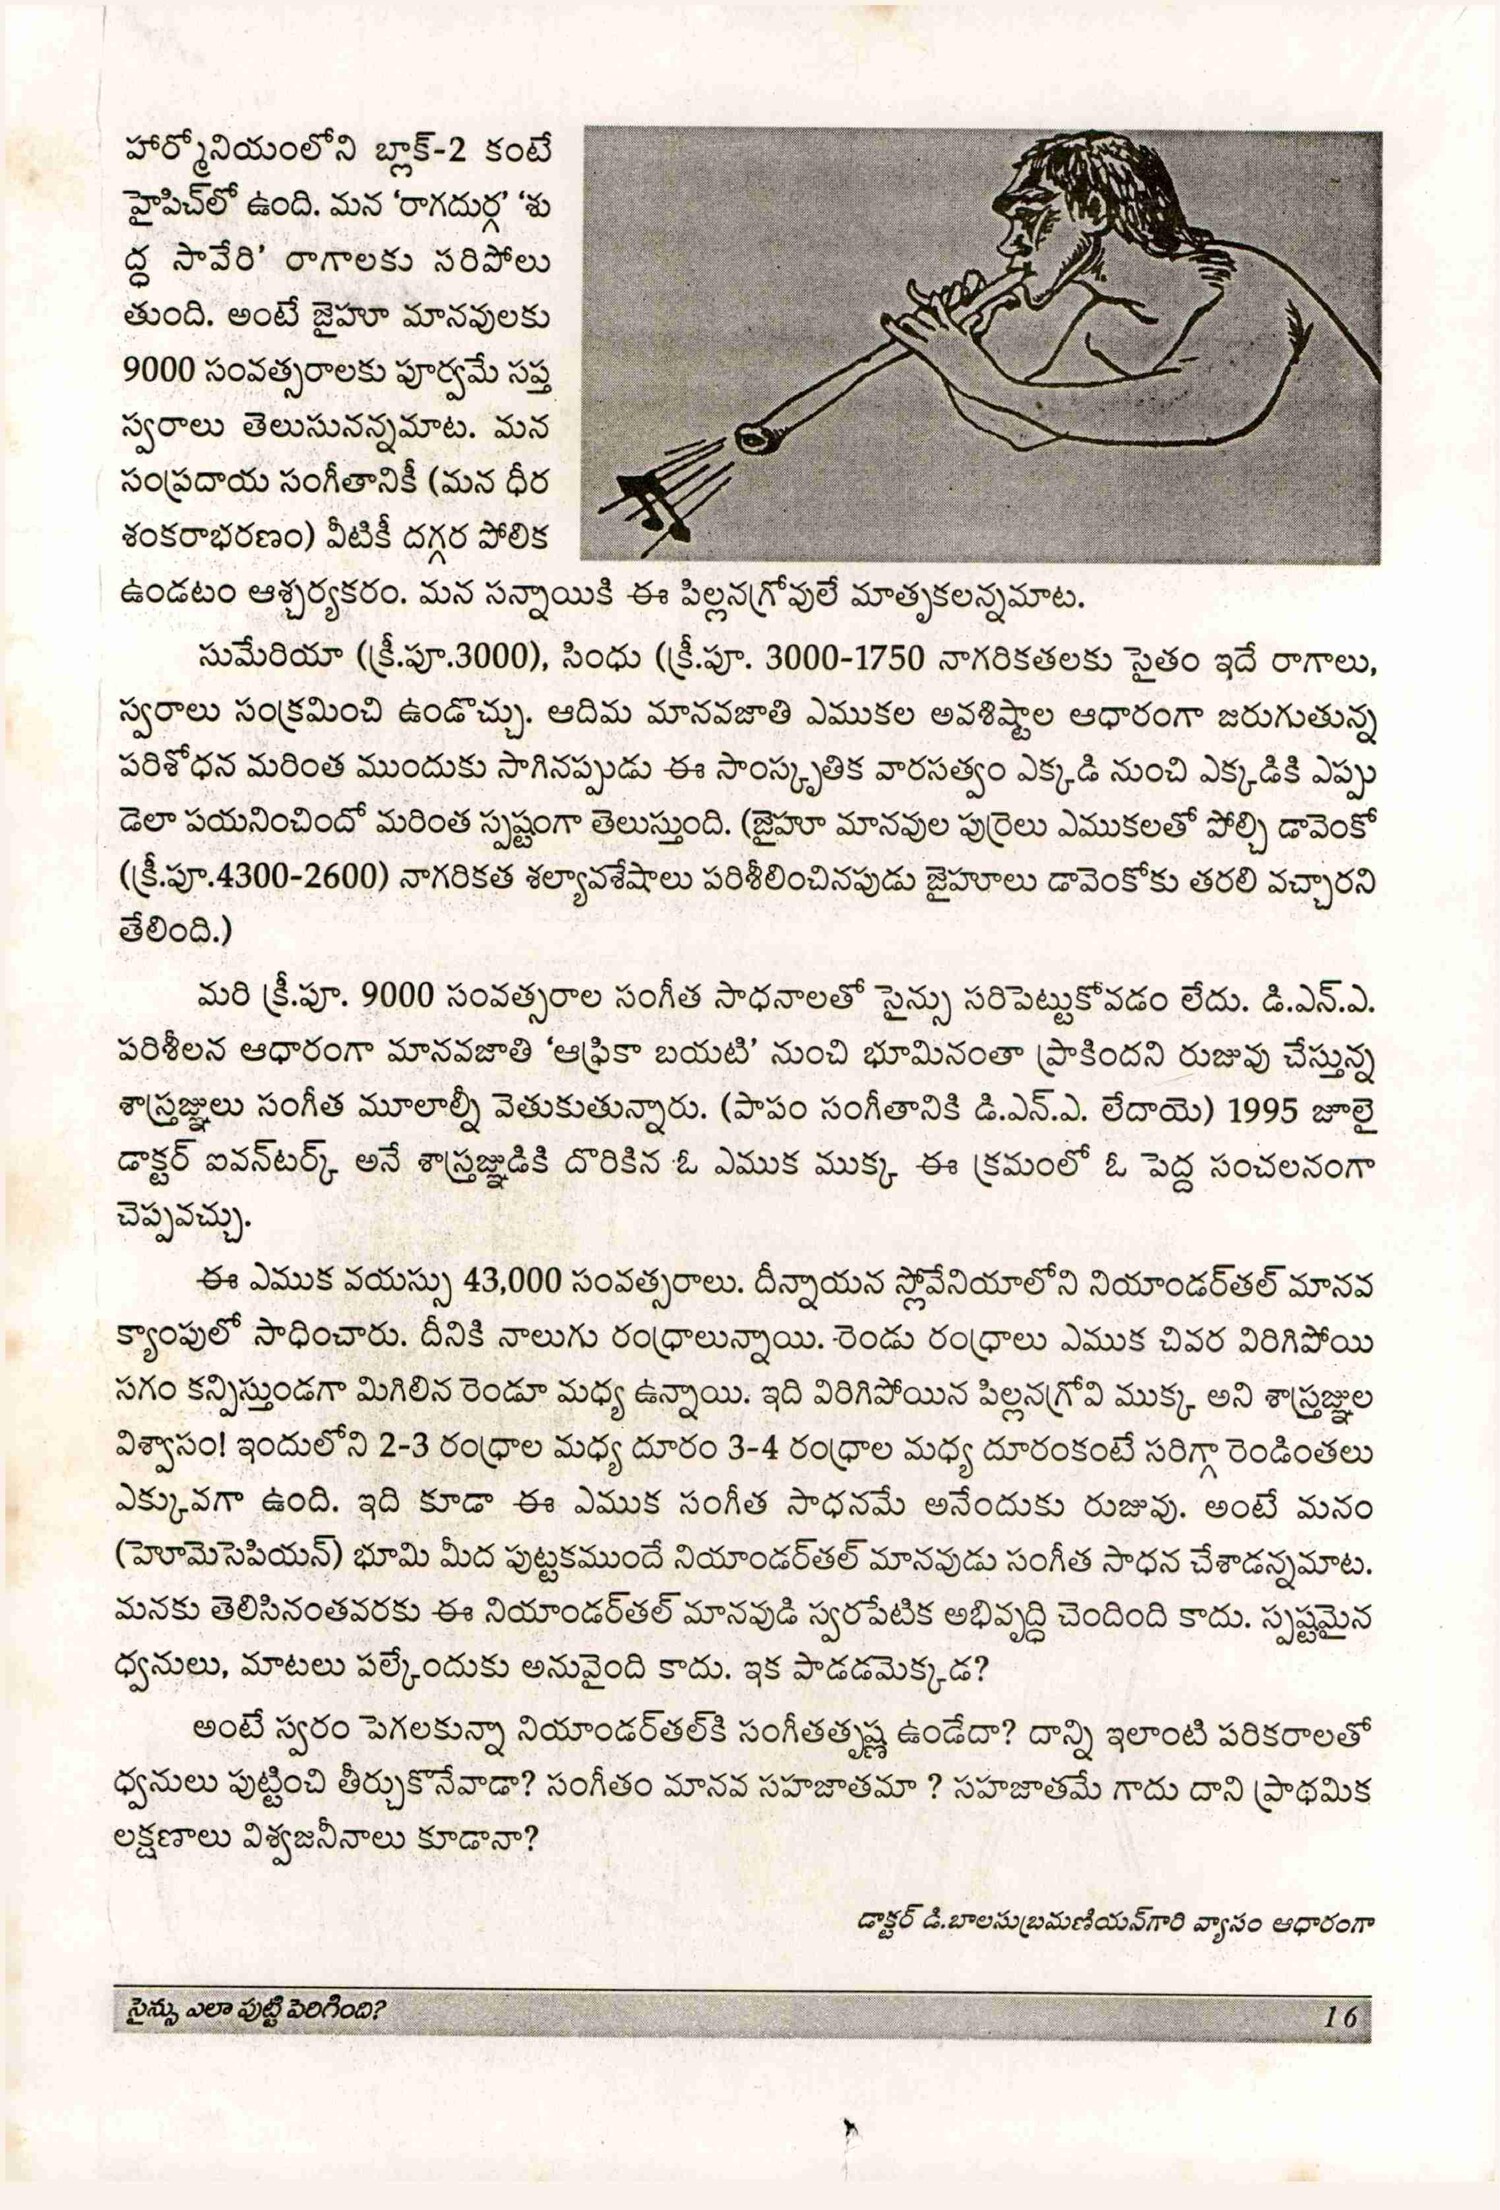హార్మోనియంలోని బ్లాక్-2 కంటే హైపిచ్‌లో ఉంది. మన 'రాగదుర్గ' 'శుద్ధ సావేరి' రాగాలకు సరిపోలుతుంది. అంటే జైహూ మానవులకు 9000 సంవత్సరాలకు పూర్వమే సప్తస్వరాలు తెలుసునన్నమాట. మన సంప్రదాయ సంగీతానికీ (మన ధీర శంకరాభరణం) వీటికీ దగ్గర పోలిక ఉండటం ఆశ్చర్యకరం. మన సన్నాయికి ఈ పిల్లనగ్రోవులే మాతృకలన్నమాట.

సుమేరియా (క్రీ.పూ.3000), సింధు (క్రీ.పూ. 3000-1750 నాగరికతలకు సైతం ఇదే రాగాలు, స్వరాలు సంక్రమించి ఉండొచ్చు. ఆదిమ మానవజాతి ఎముకల అవశిష్టాల ఆధారంగా జరుగుతున్న పరిశోధన మరింత ముందుకు సాగినప్పుడు ఈ సాంస్కృతిక వారసత్వం ఎక్కడి నుంచి ఎక్కడికి ఎప్పు డెలా పయనించిందో మరింత స్పష్టంగా తెలుస్తుంది. (జైహూ మానవుల పుర్రెలు ఎముకలతో పోల్చి డావెంకో (క్రీ.పూ.4300-2600) నాగరికత శల్యావశేషాలు పరిశీలించినపుడు జైహూలు డావెంకోకు తరలి వచ్చారని తేలింది.)

మరి క్రీ.పూ. 9000 సంవత్సరాల సంగీత సాధనాలతో సైన్సు సరిపెట్టుకోవడం లేదు. డి.ఎన్.ఎ. పరిశీలన ఆధారంగా మానవజాతి 'ఆఫ్రికా బయటి' నుంచి భూమినంతా ప్రాకిందని రుజువు చేస్తున్న శాస్త్రజ్ఞులు సంగీత మూలాల్నీ వెతుకుతున్నారు. (పాపం సంగీతానికి డి.ఎన్.ఎ. లేదాయె) 1995 జూలై డాక్టర్ ఐవన్‌టర్క్ అనే శాస్త్రజ్ఞుడికి దొరికిన ఓ ఎముక ముక్క ఈ క్రమంలో ఓ పెద్ద సంచలనంగా చెప్పవచ్చు.

ఈ ఎముక వయస్సు 43,000 సంవత్సరాలు. దీన్నాయన స్లోవేనియాలోని నియాండర్‌తల్ మానవ క్యాంపులో సాధించారు. దీనికి నాలుగు రంధ్రాలున్నాయి. రెండు రంధ్రాలు ఎముక చివర విరిగిపోయి సగం కన్పిస్తుండగా మిగిలిన రెండూ మధ్య ఉన్నాయి. ఇది విరిగిపోయిన పిల్లనగ్రోవి ముక్క అని శాస్త్రజ్ఞుల విశ్వాసం! ఇందులోని 2-3 రంధ్రాల మధ్య దూరం 3-4 రంధ్రాల మధ్య దూరంకంటే సరిగ్గా రెండింతలు ఎక్కువగా ఉంది. ఇది కూడా ఈ ఎముక సంగీత సాధనమే అనేందుకు రుజువు. అంటే మనం (హెూమెసెపియన్) భూమి మీద పుట్టకముందే నియాండర్‌తల్ మానవుడు సంగీత సాధన చేశాడన్నమాట. మనకు తెలిసినంతవరకు ఈ నియాండర్‌తల్ మానవుడి స్వరపేటిక అభివృద్ధి చెందింది కాదు. స్పష్టమైన ధ్వనులు, మాటలు పల్కేందుకు అనువైంది కాదు. ఇక పాడడమెక్కడ?

అంటే స్వరం పెగలకున్నా నియాండర్‌తల్‌కి సంగీతతృష్ణ ఉండేదా? దాన్ని ఇలాంటి పరికరాలతో ధ్వనులు పుట్టించి తీర్చుకొనేవాడా? సంగీతం మానవ సహజాతమా ? సహజాతమే గాదు దాని ప్రాథమిక లక్షణాలు విశ్వజనీనాలు కూడానా?